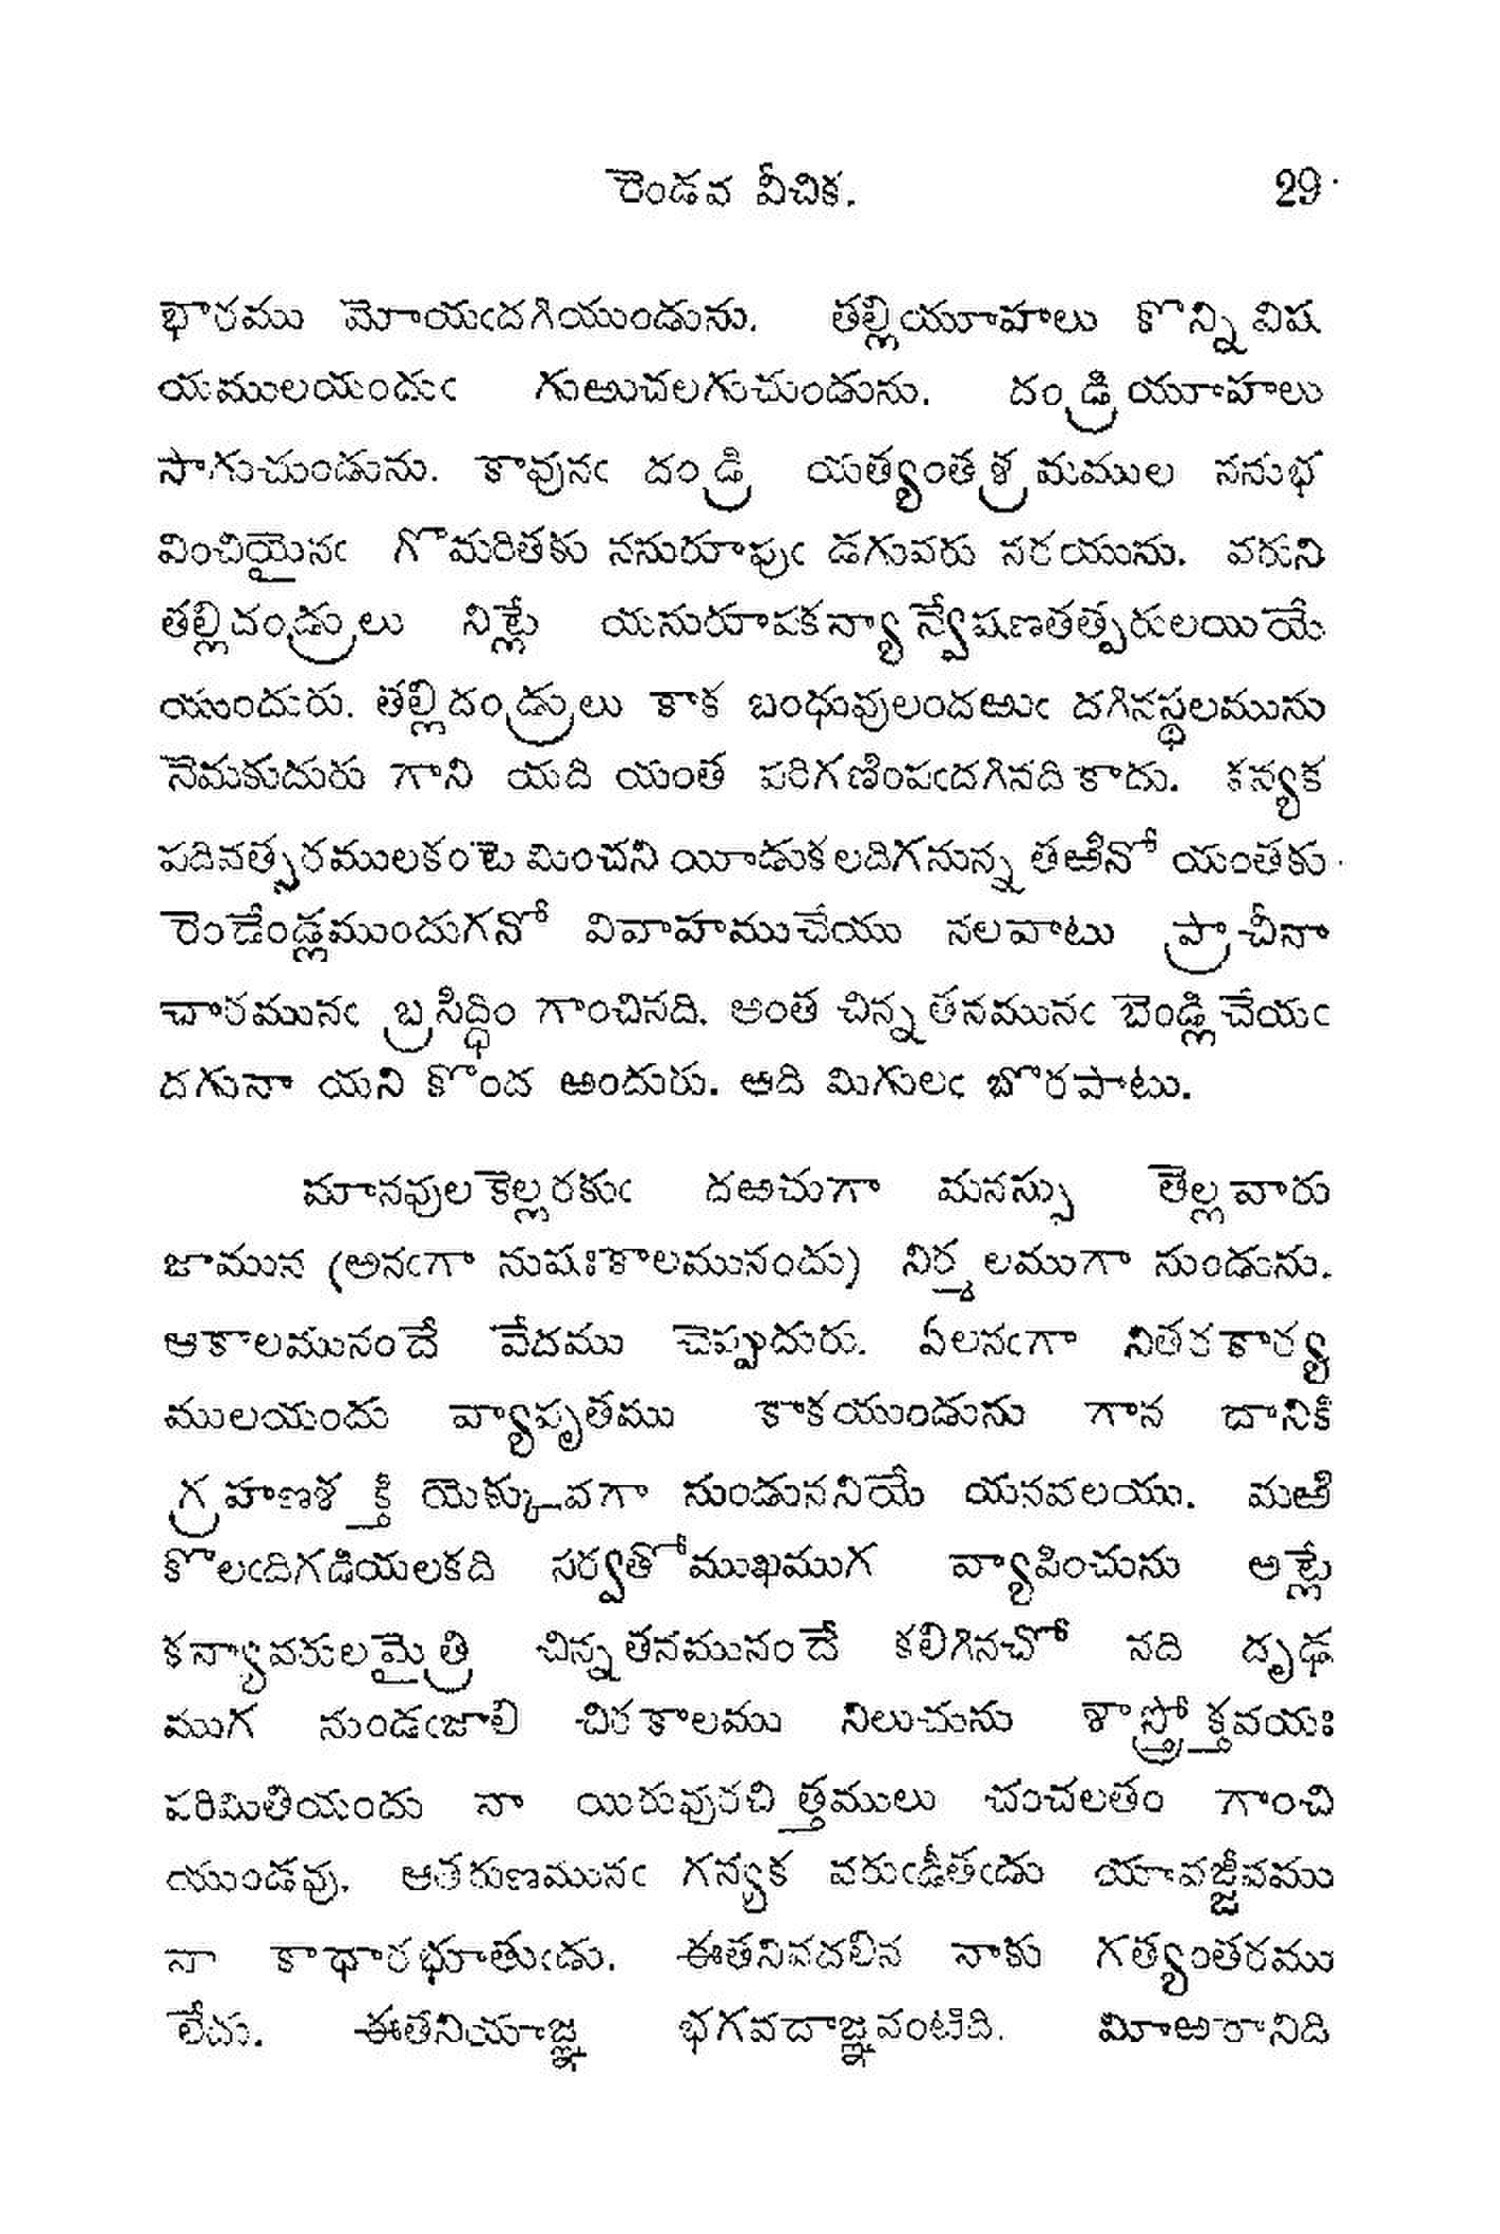భారము మోయఁదగియుండును. తల్లి యూహలు కొన్ని విషయములయందుఁ గుఱుచలగుచుండును. దండ్రి యూహలు సాగుచుండును. కావునఁ దండ్రి, యత్యంతశ్రమముల ననుభవించియైనఁ గొమరితకు ననురూపుఁ డగువరు నరయును. వరుని తల్లిదండ్రులు నిట్లె యనురూపకన్యాన్వేషణతత్పరులయియే
యుందురు. తల్లిదండ్రులు కాక బంధువులందఱుఁ దగిసస్థలమును నెమకుదురు గాని యది యంత పరిగణింపఁదగినది కాదు. కన్యక పదివత్సరములకంటె మించని యీడుక లదిగనున్న తఱినో యంతకు రెండేండ్లముందుగనో వివాహము చేయు నలవాటు ప్రాచీనా చారమునఁ బ్రసిద్ధిం గాంచినది. అంత చిన్న తనమునఁ బెండ్లి చేయఁ దగునా యని కొంద ఱందురు. అది మిగులఁ బొరపాటు.

మానవుల కెల్లరకుఁ దఱచుగా మనస్సు తెల్ల వారు జామున (అనఁగా నుషఃకాలమునందు) నిర్మలముగా నుండును. ఆకాలమునందే 'వేదము చెప్పుదురు. ఏలనఁగా నితర కార్య ములయందు వ్యాపృతము కాకయుండును గాన దానికి గ్రహణశక్తి యెక్కువగా నుండుననియే యనవలయు. మఱి కొలఁదిగడియలకది సర్వతోముఖముగ వ్యాపించును అట్లే కన్యావరులమైత్రి , చిన్న తనమునందే కలిగినచో నది దృఢ ముగ నుండఁజాలి చిరకాలము నిలుచును శాస్తోక్తవయః పరిమితియందు నా యిరువురచి త్తములు చంచలతం గాంచియుండవు, ఆతరుణమునఁ గన్యక వరుఁడీతఁడు యావజ్జీవము నా కాధారభూతుడు. ఈతనివదలిన నాకు గత్యంతరము లేదు. ఈతనియాజ్ఞ భగవదాజ్ఞ వంటిది. మీఱరానిది